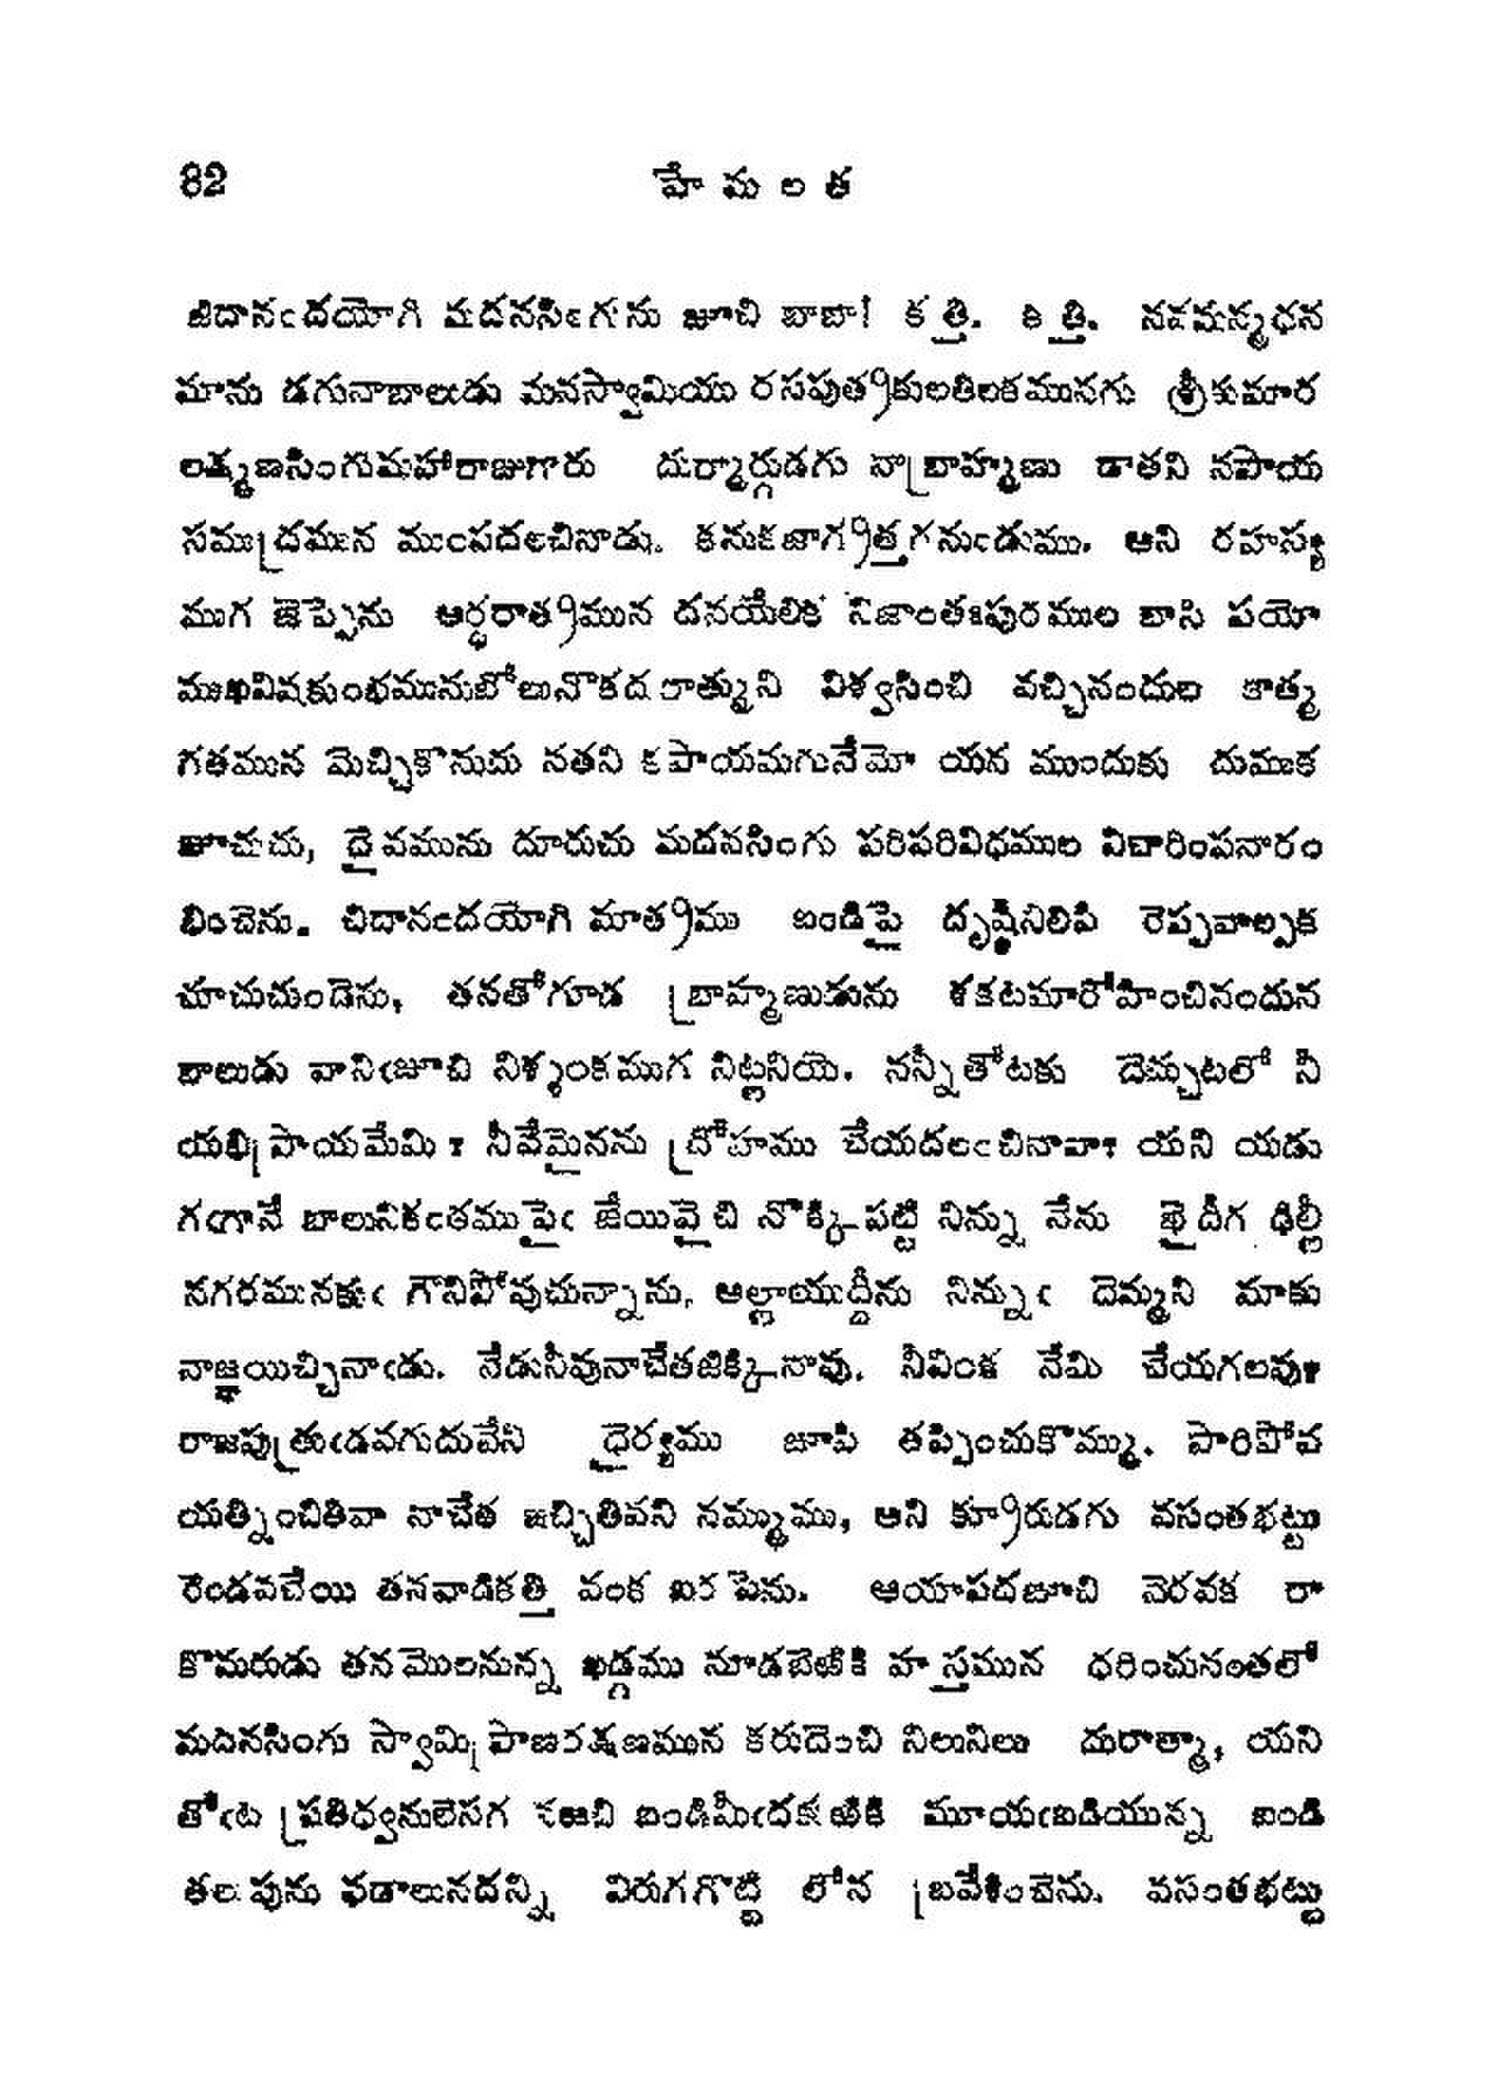జిదానందయోగి మదనసింగును జూచి బాబా! కత్తి. కత్తి. నవమన్మధసమానుడగు నాబాలుడు మనస్వామియు రసపుత్రకులతిలకమునగు శ్రీకుమారలక్ష్మణసింగు మహారాజుగారు దుర్మార్గుడగు నాబ్రాహ్మణు డాతని నపాయ సముద్రమున ముంపదలచినాడు. కనుకజాగ్రత్తగనుండుము. అని రహస్యముగ జెప్పెను. అర్ధరాత్రమున దనయేలిక నిజాంతఃపురముల బాసి పయోముఖవిషకుంభమునుబోలు నొకదురాత్ముని విశ్వసించి వచ్చినందుల కాత్మగతమున మెచ్చికొనుచు నతని కపాయమగునేమో యన ముందుకు దుముక జూచుచు, దైవమును దూరుచు మదనసింగు పరిపరి విధముల విచారింపనారంభించెను. చిదానందయోగి మాత్రము బండిపై దృష్టినిలిపి రెప్పవాల్చక చూచుచుండెను. తనతోగూడ బ్రాహ్మణుడును శకటమారోహించినందున బాలుడు వానిజూచి నిశ్శంకముగ నిట్లనియె. నన్నీతోటకు దెచ్చుటలో నీ యభిప్రాయమేమి? నీవేమైనను ద్రోహము చేయదలంచినావా? యని యడుగగానే బాలునికంఠముపై జేయివైచి నొక్కిపట్టి నిన్ను నేను ఖైదీగ ఢిల్లీ నగరమునకుఁ గొనిపోవుచున్నాను. అల్లాయుద్దీను నిన్నుఁ దెమ్మని మాకు నాజ్ఞయిచ్చినాడు. నేడునీవునాచేతజిక్కినావు. నీవింక నేమి చేయగలవు? రాజపుత్రుడవగుదునేని ధైర్యము జూపి తప్పించుకొమ్ము. పారిపోవ యత్నించినా నాచేత జచ్చితివని నమ్ముము, అని క్రూరుడగు వసంతభట్టు రెండవచేయి తనవాడికత్తి వంక బరపెను. ఆయాపదజూచి వెరవక రాకొమరుడు తన మొలనున్న ఖడ్గము నూడబెఱికి హస్తమున ధరించునంతలో మదనసింగు స్వామిప్రాణరక్షణమున కరుదెంచి నిలునిలు దురాత్మా, యని తోఁట ప్రతిధ్వను లెసగ నఱచి బండిమీఁదకుఱికి మూయబడియున్న బండి తలుపును ఫడాలునదన్ని విరుగగొట్టి లోన బ్రవేశించెను. వసంతభట్టు